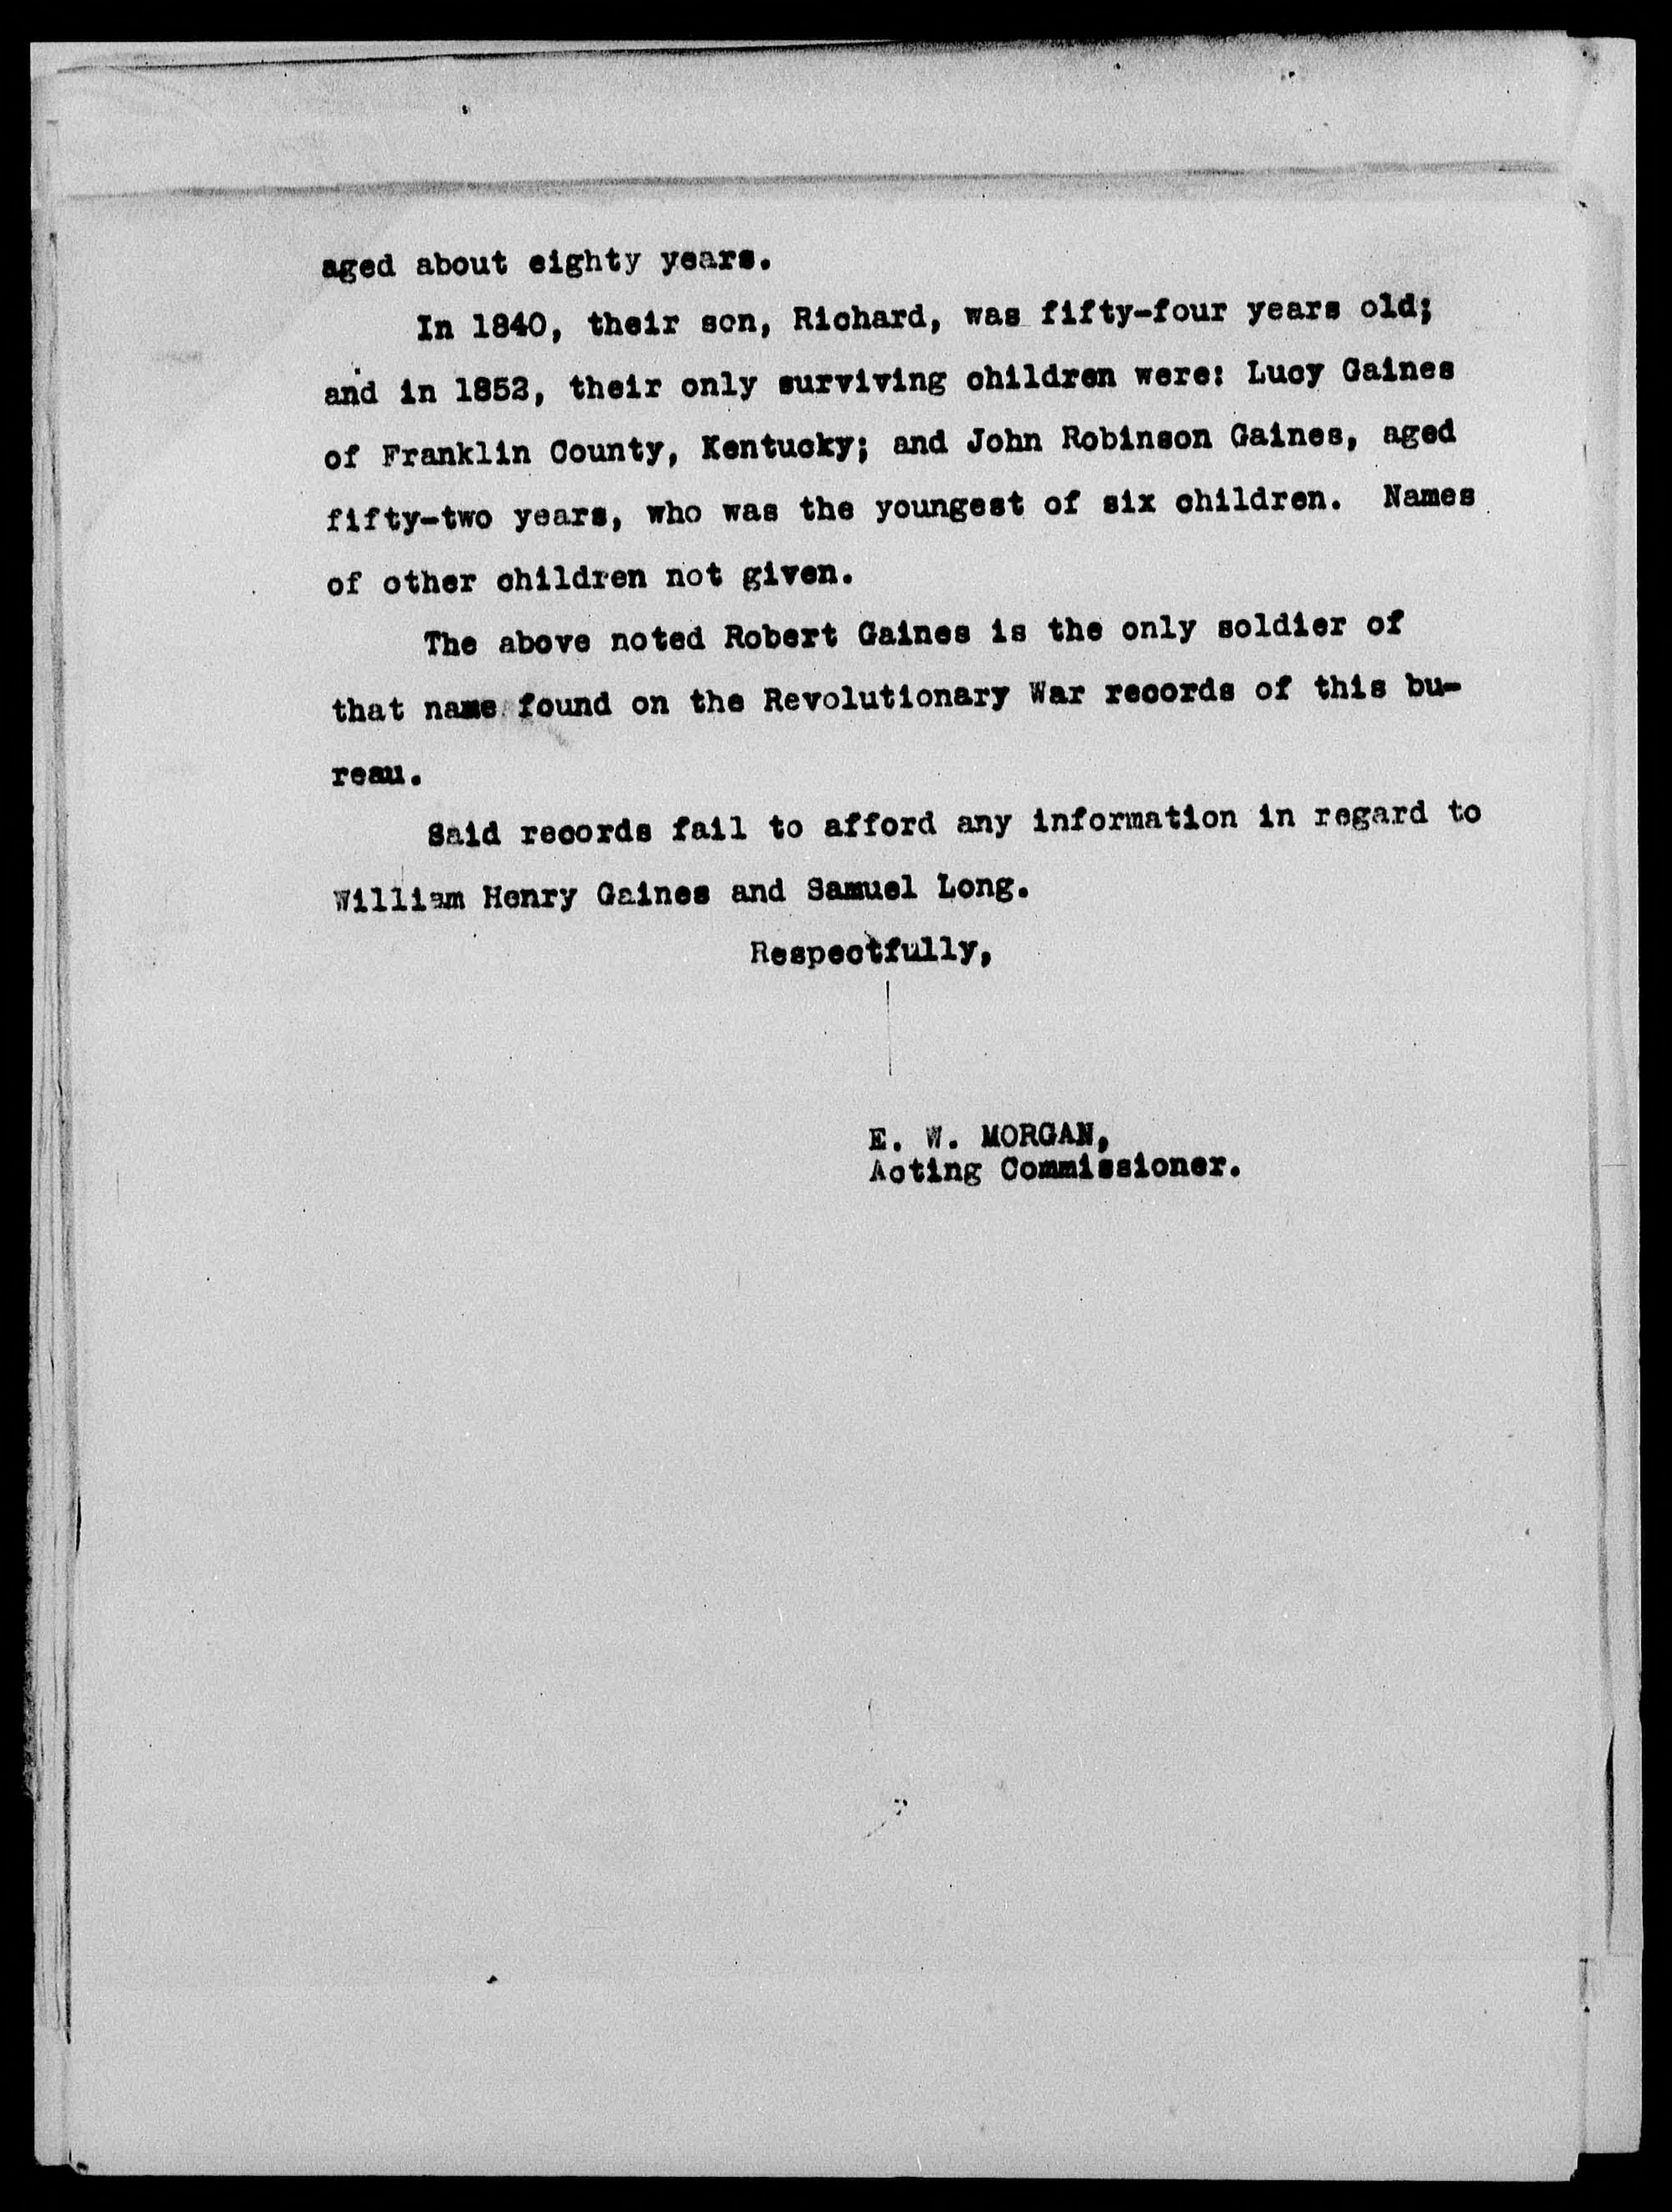aged about eighty years.
In 1840, their son, Richard, was fifty-four years old;
and in 1852, their only surviving children were: Lucy Gaines
of Franklin County, Kentucky; and John Robinson Gaines, aged
fifty-two years, who was the youngest of six children. Names
of other children not given.
The above noted Robert Gaines is the only soldier of
that name found on the Revolutionary War records of this bureau.
Said records fail to afford any information in regard to
William Henry Gaines and Samuel Long.
Respectfully,
E. W. MORGAN,
Acting Commissioner.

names: Lucy Gaines, E W Morgan, Robert Gaines, William Henry Gaines, Richard, Samuel Long, John Robinson Gaines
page: 28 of 79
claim: rejected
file: R. 3863, Robert Gaines, Va.